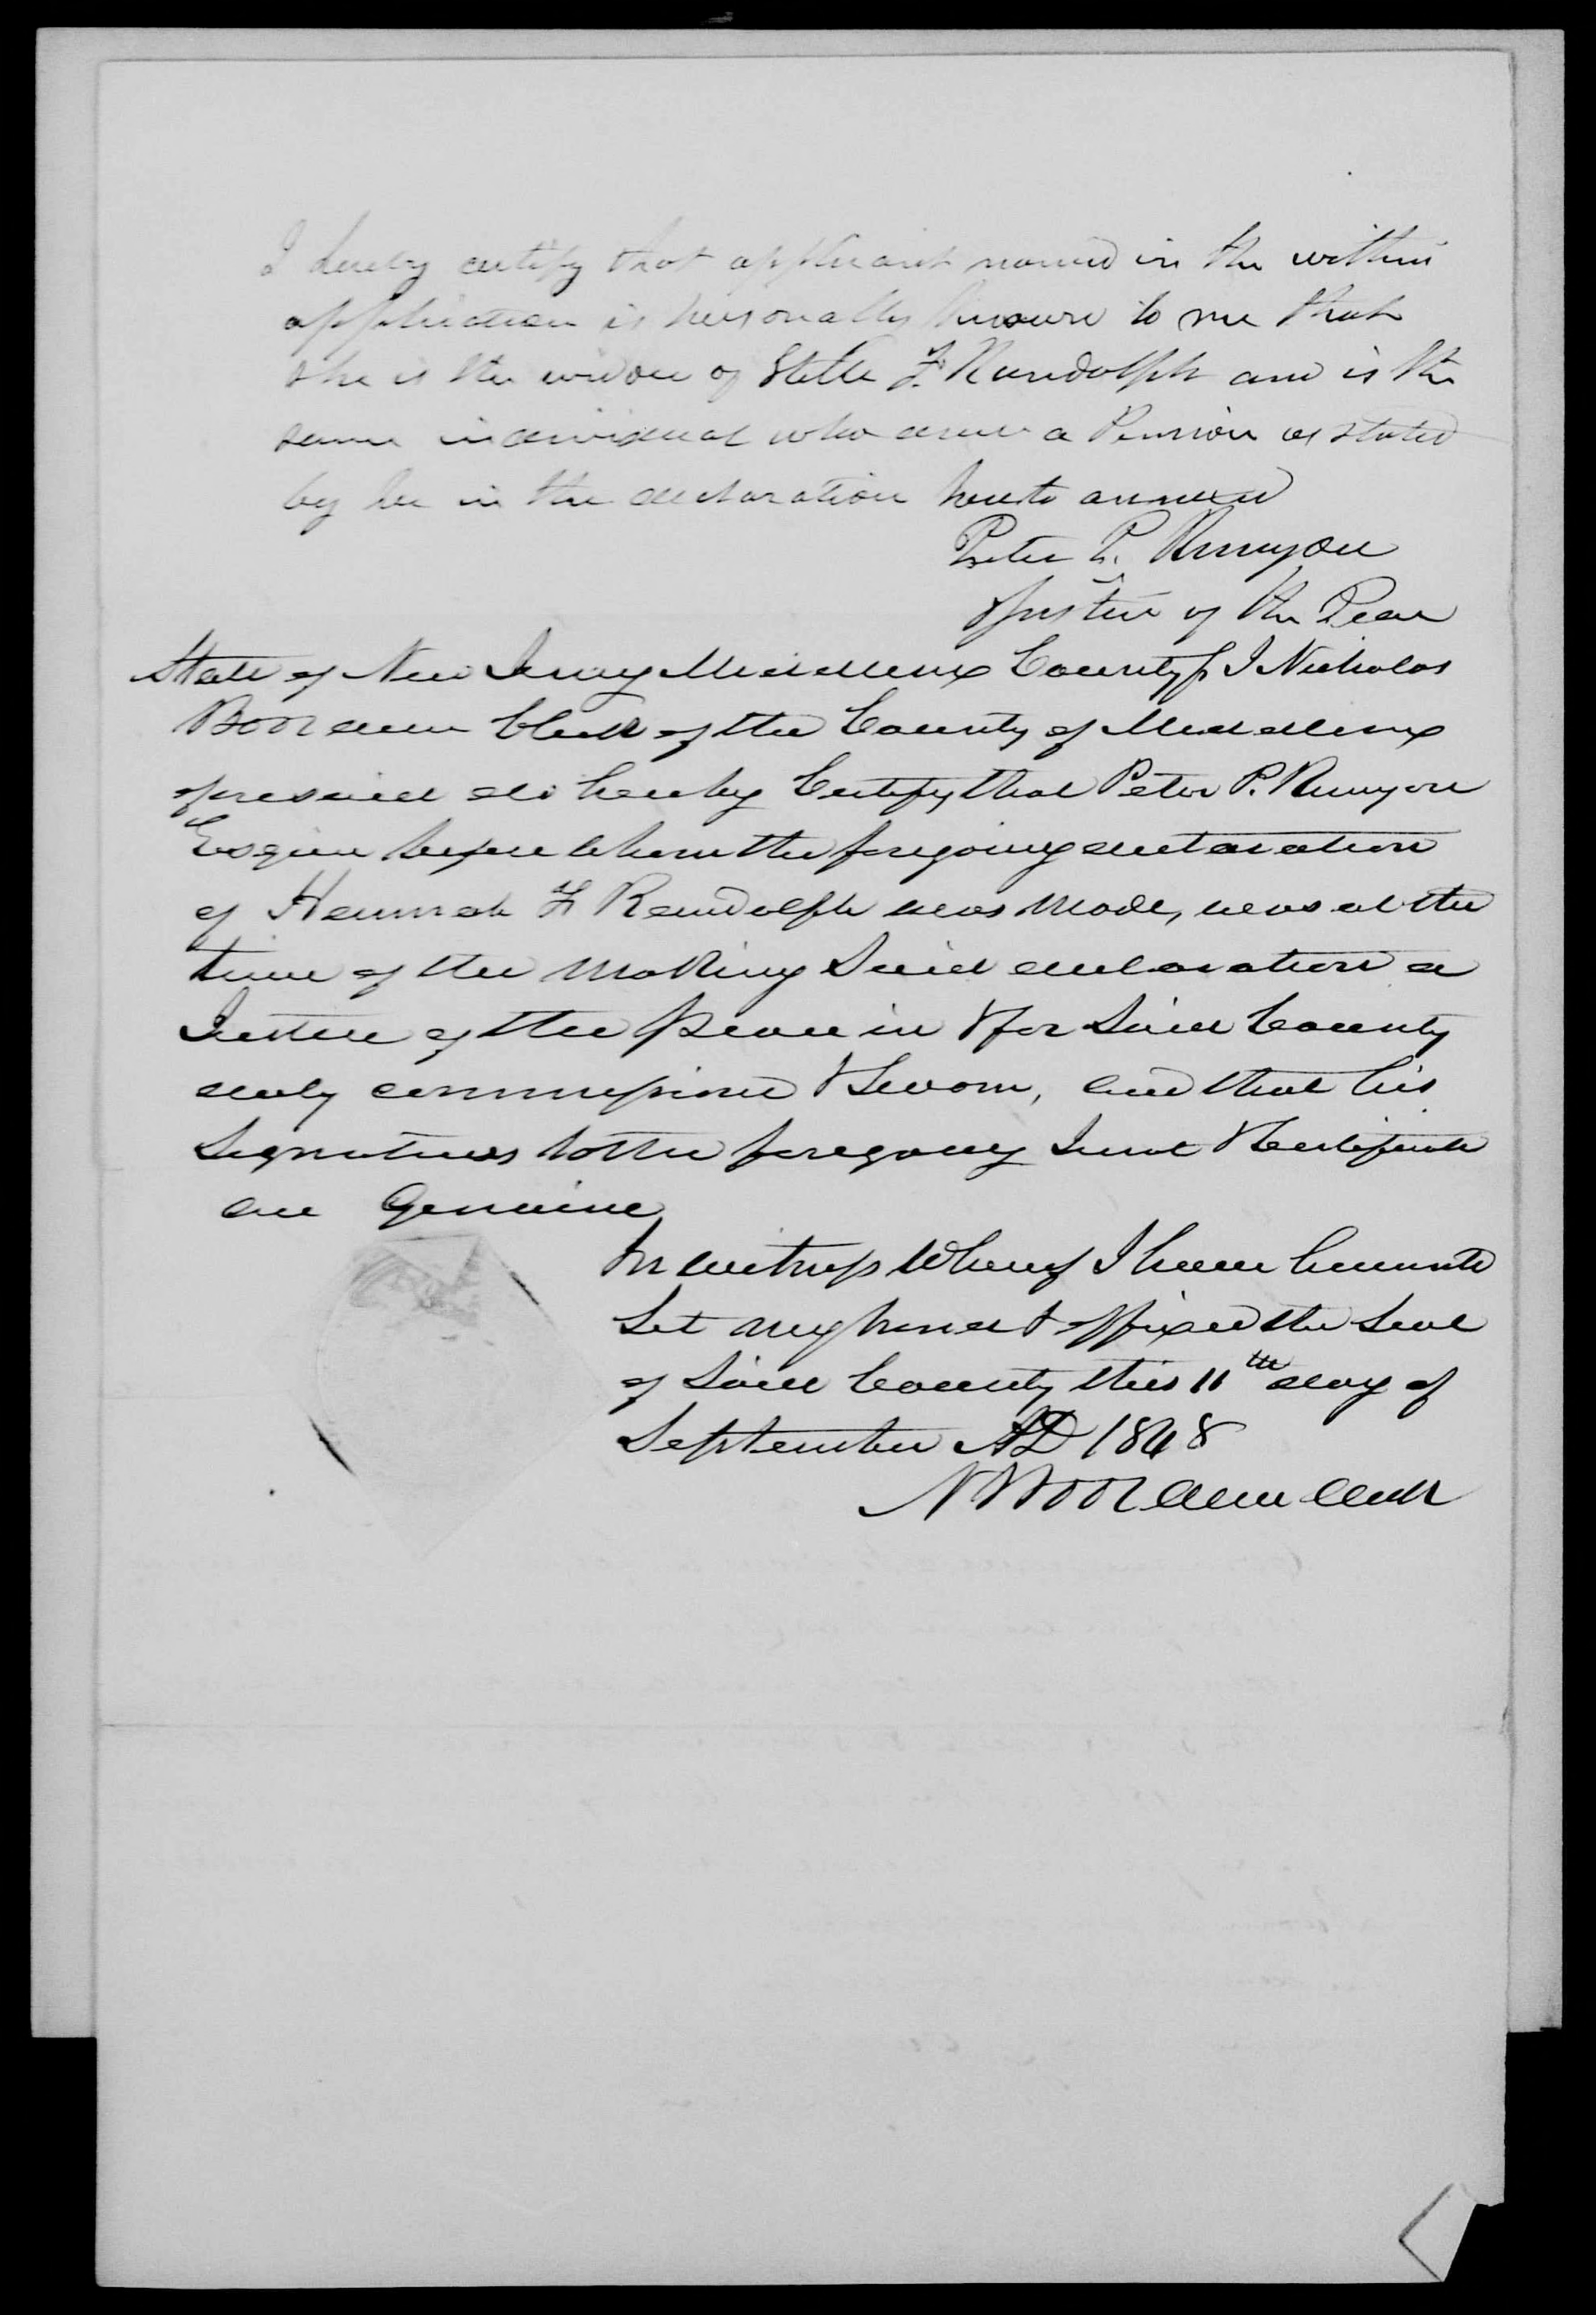I hereby certify that applicant named in the within application is personally known to me that she is the widow of Stelle F. Randolph and is the same individual who am a Pension as stated by her in the declaration hereto annexed Peter P. Runyon Justice of the Peace
State of New Jersey Middlesex County I Nicholas Booreun blood of the County of Middlesex aforesaid do hereby Certify that Peter P. Runyon Esquire before whom the foregoing declaration of Hannah F Randolph was made, was at the time of the making said declaration a [illegible] of the peace in & for said County duly commissioned & sworn, and that his [illegible] follow foregoing [illegible]
are genuine
In witness whereof I have hereunto set my hand & affixed the seal of said County this 11th day of September AD 1848 Mooorelliullen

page: 24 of 33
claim: widow's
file: W. 5,665, for Stelle F Randolph, New Jersey